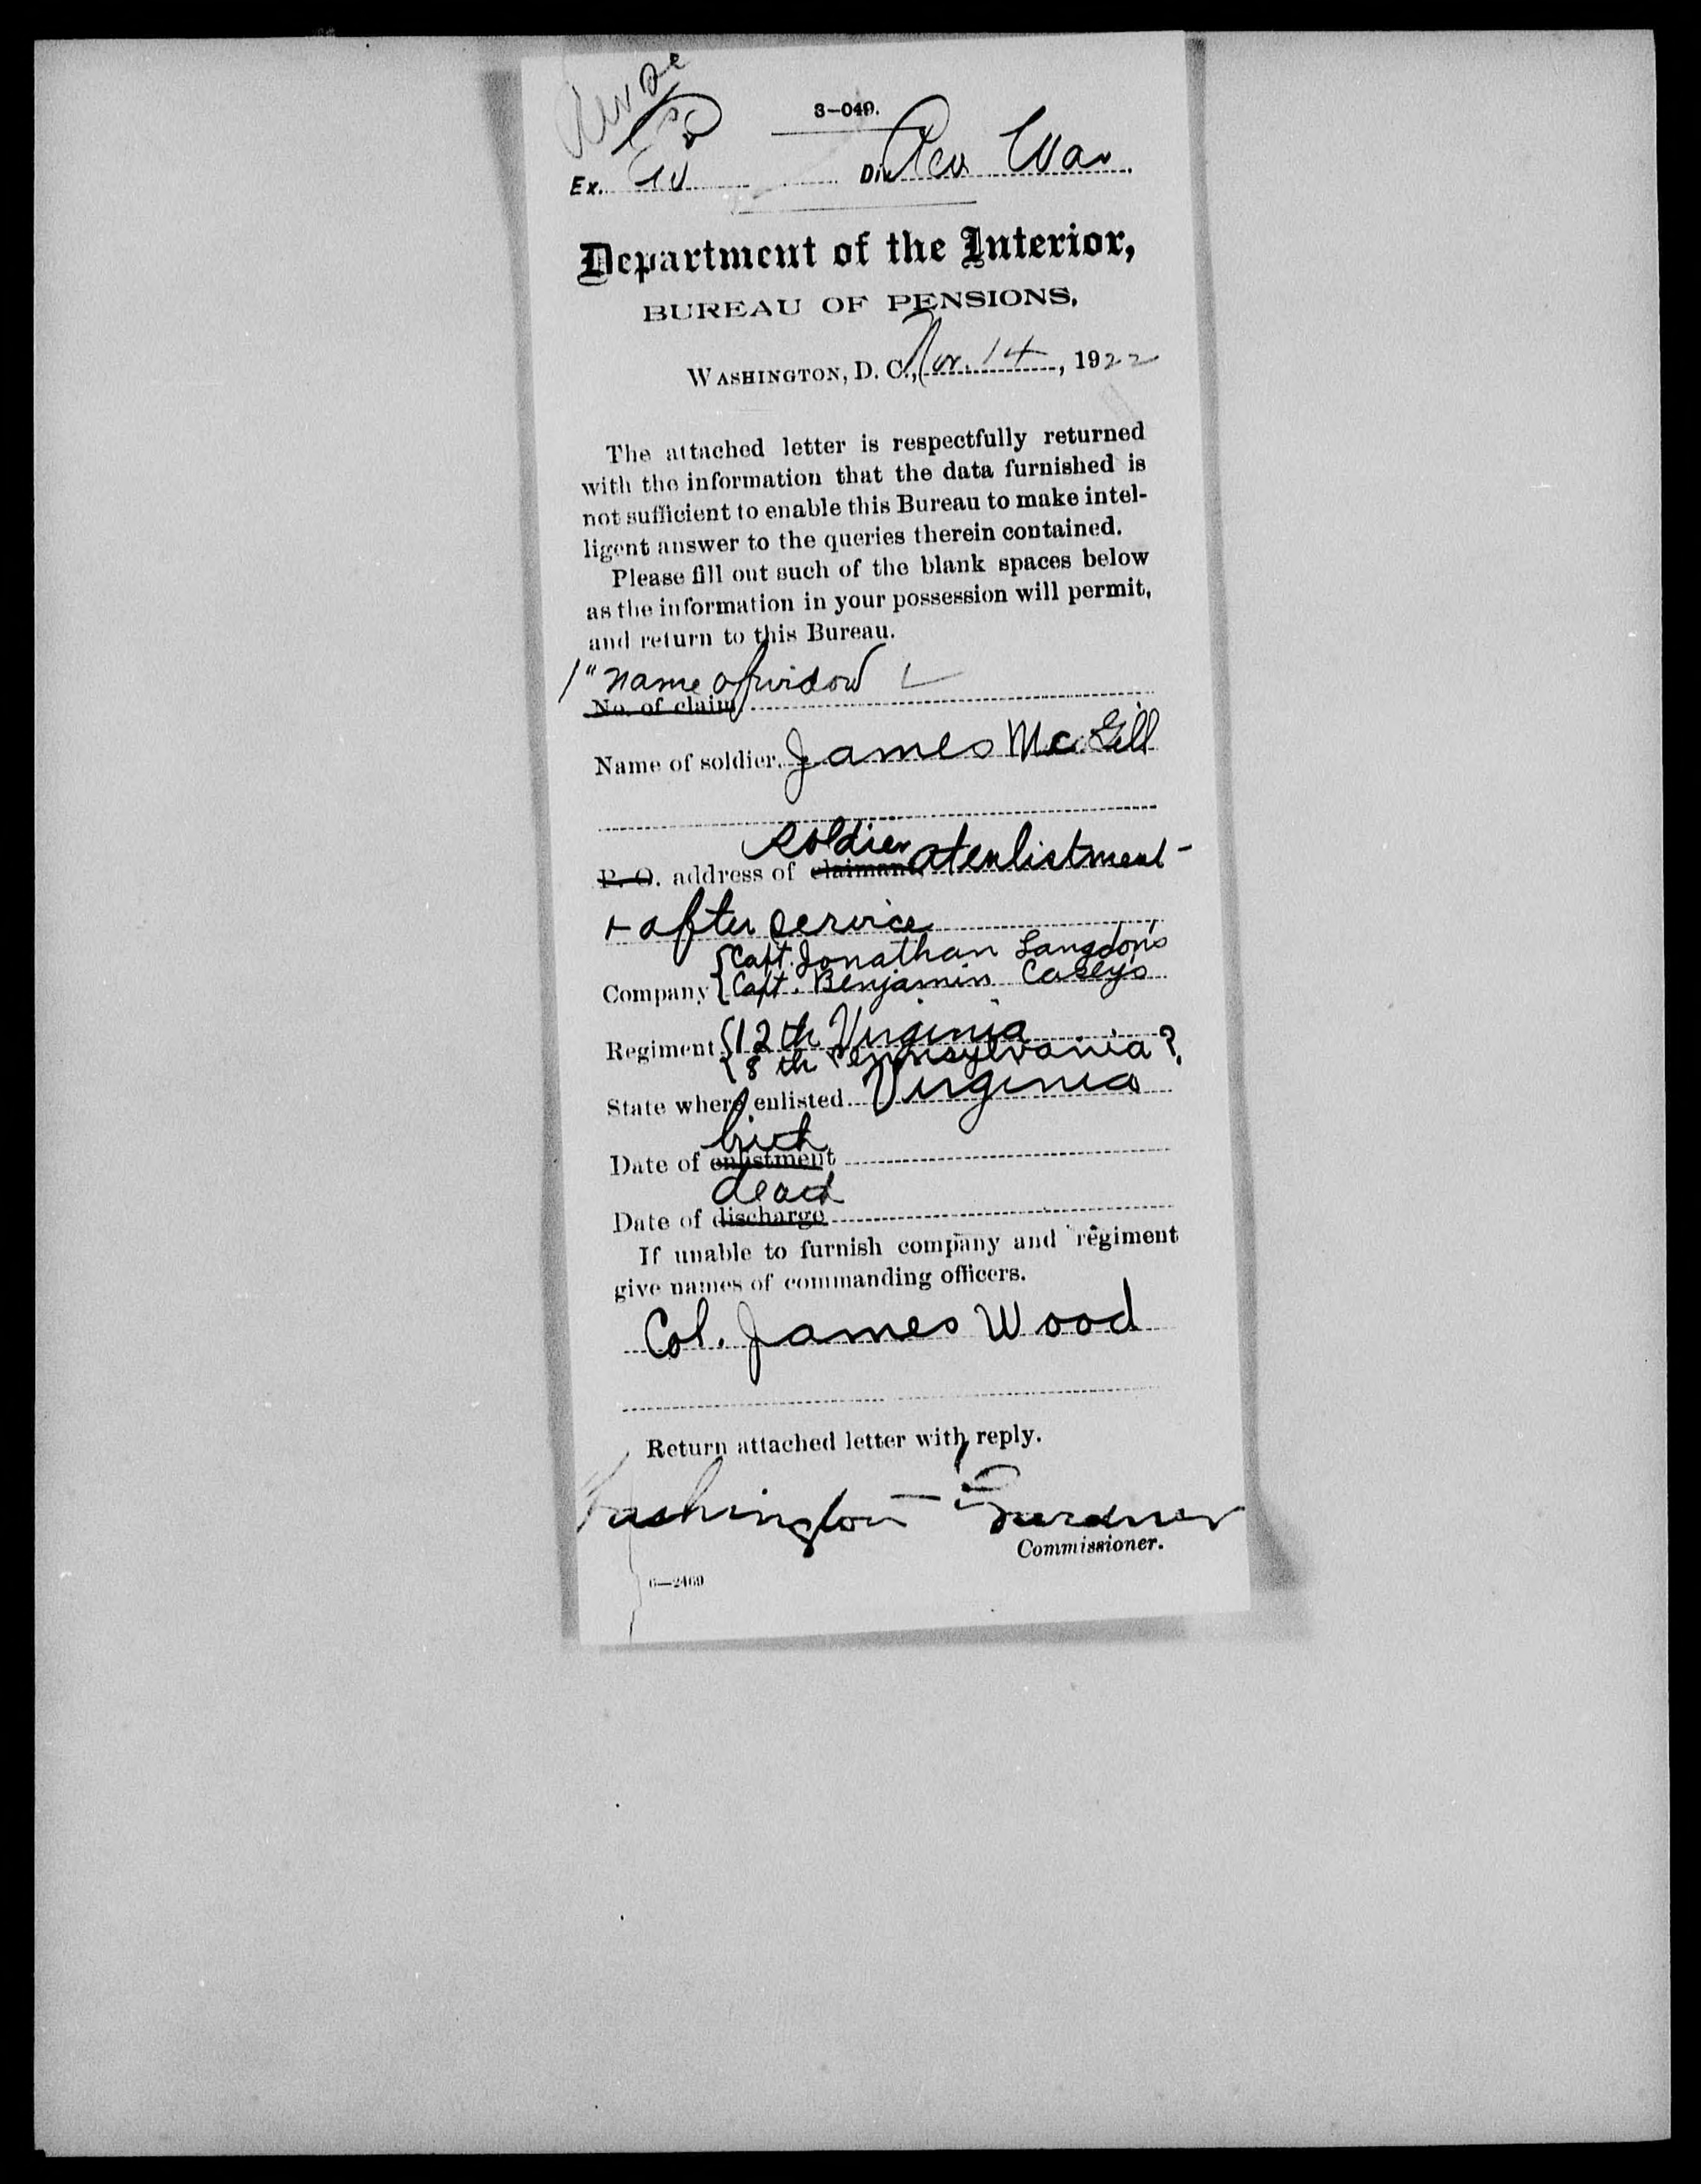Image 110 4160873_00110
Fold3 File #23857276
[Form-Cover]
3-049

Ex. Rev [Initials]    Div  Rev War
Department of the Interior, 
Bureau of Pensions,
Washington, D. C. Nov 14, 1922

The attached letter is respectfully returned with the information that the data furnished is not sufficient to enable this Bureau to make intelligent answer to the queries therein contained. Please fill out such of the blank spaces below as the information in your posession will permit, and return to the Bureau.
No. of claim [crossed out] 1. name of widow
Name of soldier  James McGill
Address of soldier at enlistment
& after service
Company  Capt. Jonathan Langdon's  Capt. Benjamin Casey's
Regiment  12th Virginia  8th Pennsylvania ?
State where enlisted   Virginia
Date of birth    [blank]
Date of death  [blank]
If unable to furnish company and regiments, give names of commanding officers. 
Col James Wood
Return attached letter with reply.
Washington - Gardner

[[Printed]Commissioner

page: 52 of 71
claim: widow's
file: W. 8428, for James Mc Gill, Pennsylvania